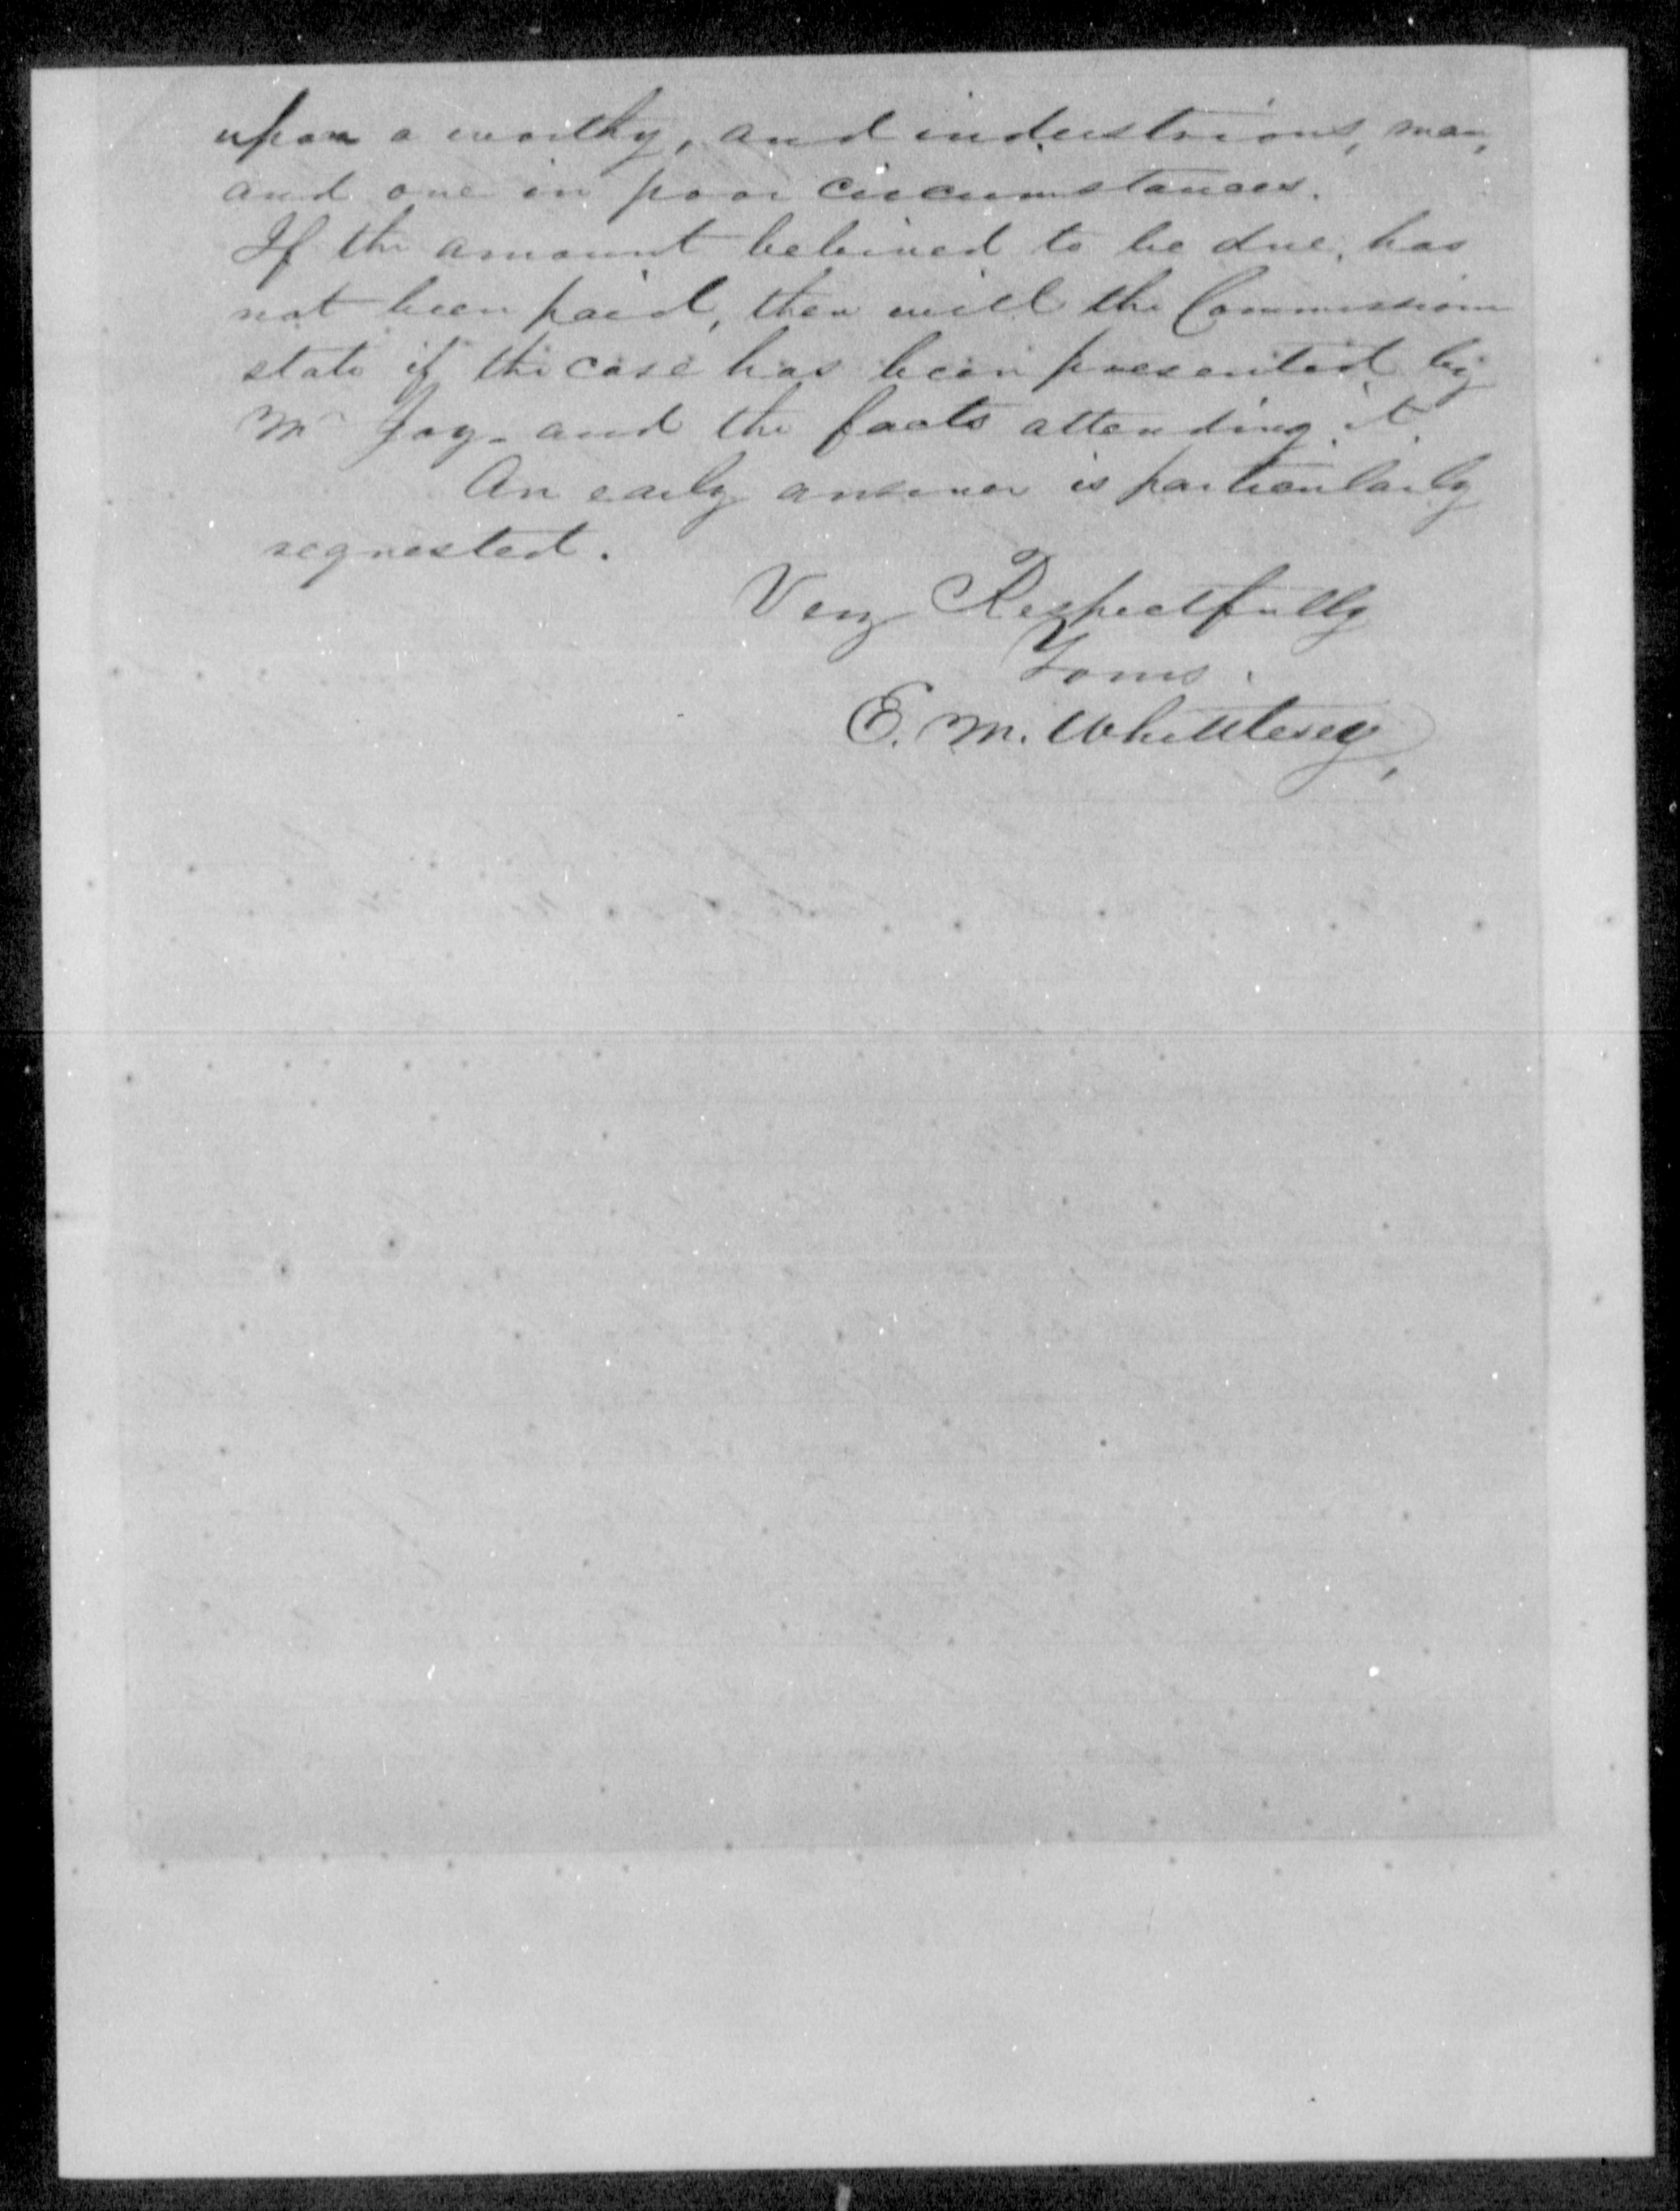upon a worthy, and industrious man and one in poor circumstances.
If the amount believed to be due, has not been paid, then will the Commissioner state if the case has been presented by Mr Joy and the facts attending it.
An early answer is particularly requested
Very Respectfully
Yours
E. M. Whittlesey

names: E M Whittlesey; [BLANK] Joy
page: 54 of 109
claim: widow's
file: W. 5709, for Thomas Richards, New Hampshire